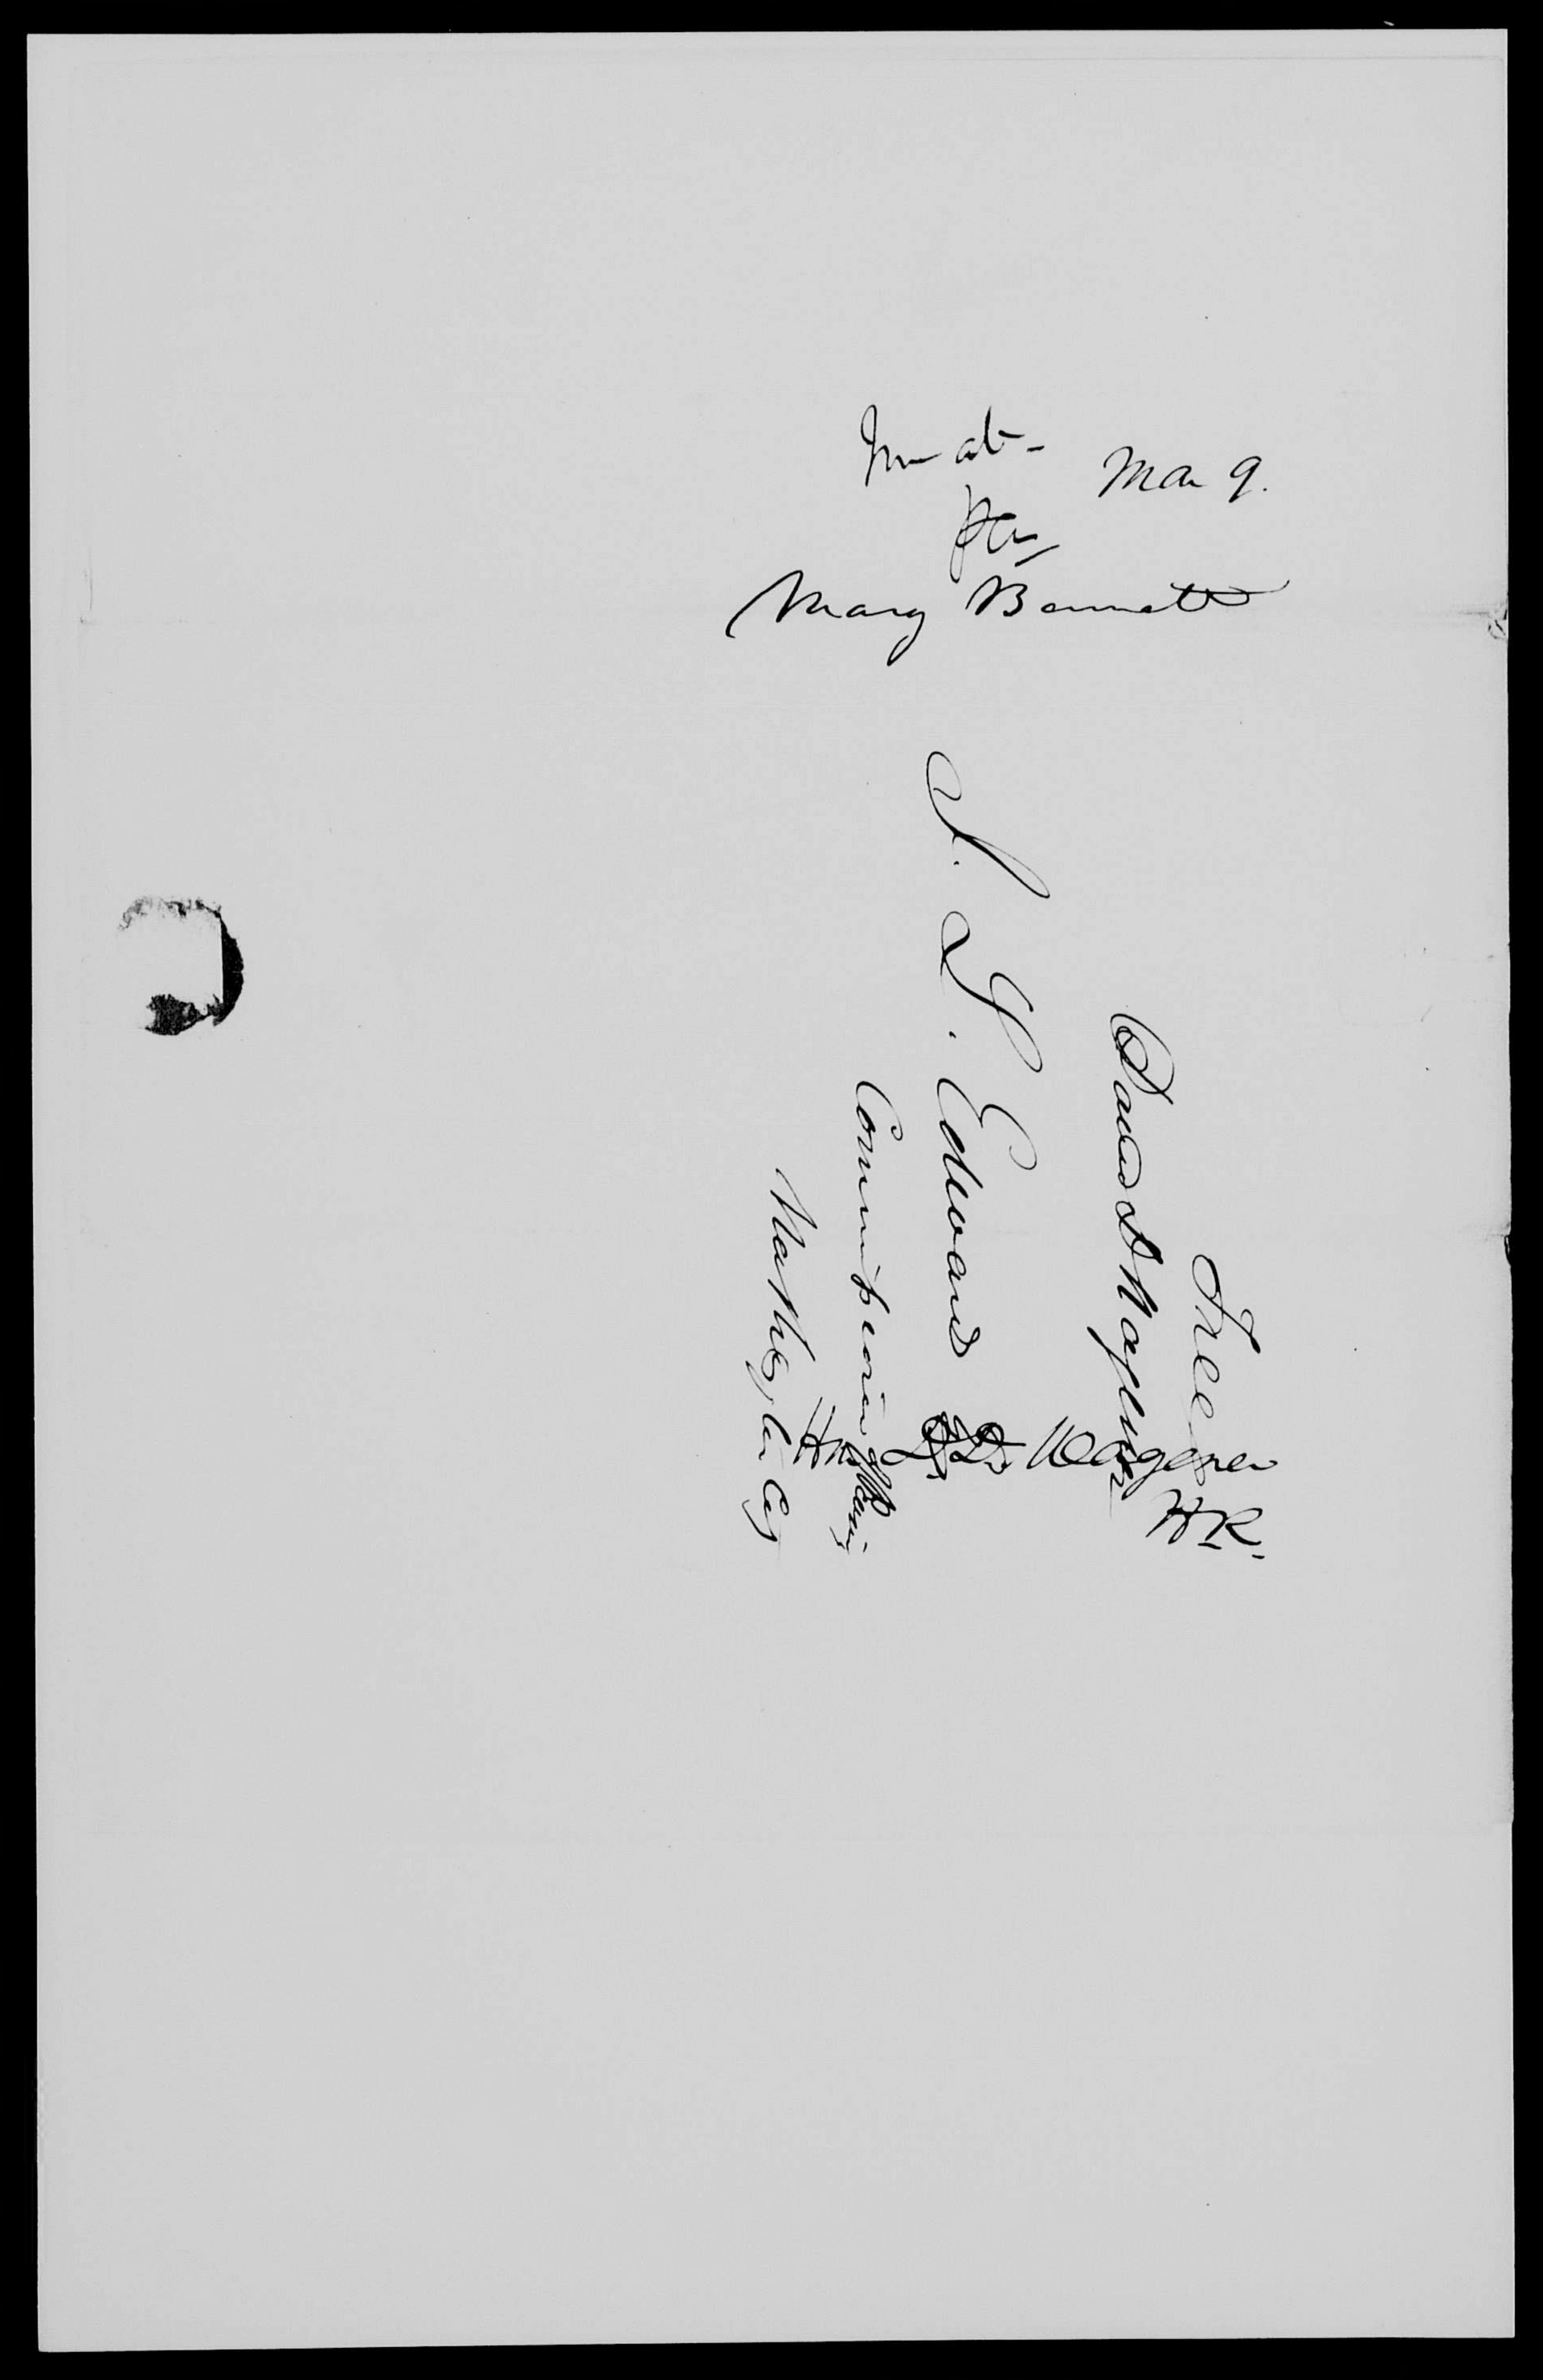March 9
Mary Barnett
R
of
Free
J L Edwards
Commission
Connecticut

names: D D Wagener, J L Edwards, David D Wagener, Mary Bennett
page: 55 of 79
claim: widow's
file: W. 2,906, Stephen Bennet, Conn.